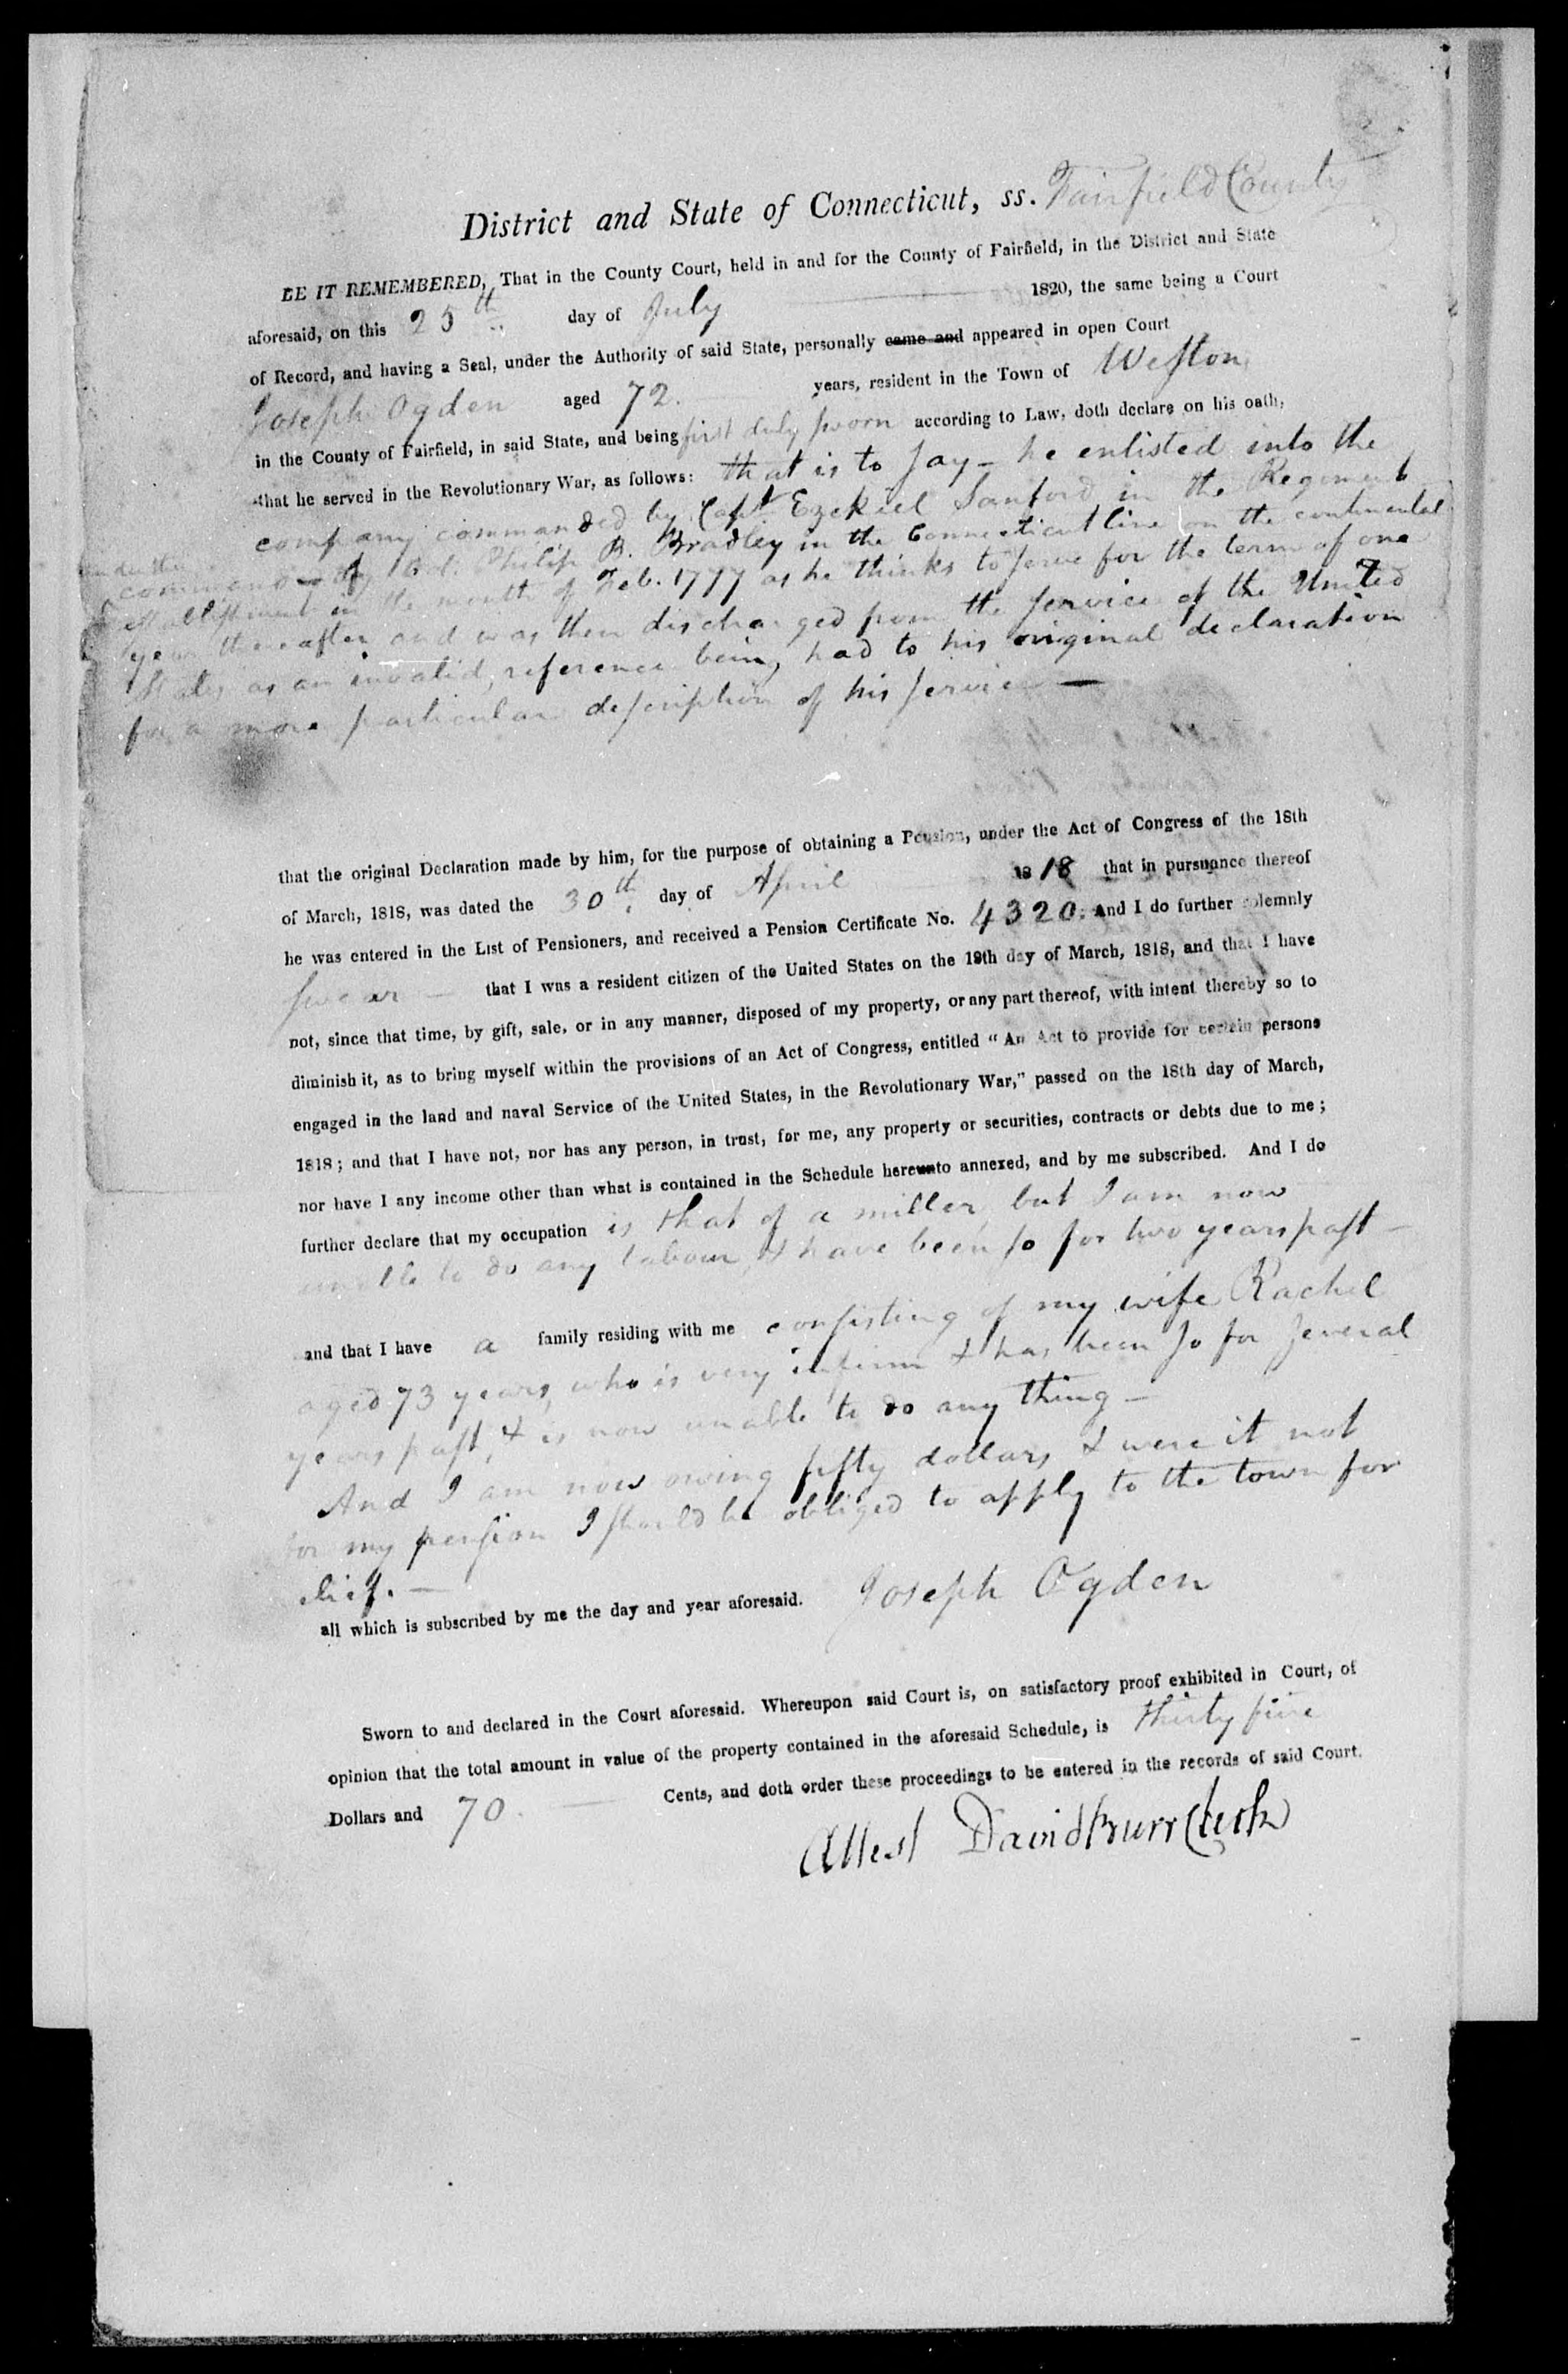District and State of Connecticut, ss. Fairfield County
BE IT REMEMBERED, That in the County Court, held in and for the County of Fairfield, in the District and State
aforesaid, on this 25th day of July 1820, the same being a Court
of Record, and having a Seal, under the Authority of said State, personally appeared in open Court
Joseph Ogden aged 72 years, resident in the Town of Weston,
in the County of Fairfield, in said State, and being first duly sworn according to Law, doth declare on his oath
that he served in the Revolutionary War, as follows: that is to say he enlisted into the
company commanded by Capt Ezekiel Sanford in the Regiment
command of Philip B. Bradley in the Connecticut live on the continental
[illegible] in the month of Feb. 1777 as he thinks to serve for the term of one
year thereafter and was then discharged from the service of the United
States as an invalid reference being had to his original declaration
for a more particular description of his service
that the original Declaration made by him, for the purpose of obtaining a pension, under the Act of Congress of the 18th
of March, 1818, was dated the 30th day of April 1818 that in pursuance thereof
he was entered in the bust of Pensioners, and received a Pension Certificate No. 4320; and I do further solemnly
swear
that I was a resident citizen of the United States on the 18th day of March, 1818, and that I have
not, since that time, by gift, sale, or in any manner, disposed of my property, or any part thereof, with intent thereby so to
diminish it, as to bring myself within the provisions of an Act of Congress, entitled ""An Act to provide for certain persons
engaged in the land and naval service of the United States, in the Revolutionary War" passed on the 18th day of March,
1818; and that I have not, nor has any person, in trust, for me, any property or securities, contracts or debts due to me;
nor have I any income other than what is contained in the Schedule hereunto annexed, and by me subscribed. And I do
further declare that my occupation is that of a miller but I am now
unable to do any labour, & have been so for two years past
and that I have a family residing with me consisting of my wife Rachel
aged 73 years who is very infirm & has been so for several
years past & is now unable to do any thing
And I am now owing fifty dollars & were it not
for my portion I shall be obliged to apply to the town for
relief
all which is subscribed by me the day and year aforesaid Joseph Ogden
Sworn to and declared in the Court aforesaid. Whereupon said Court is, on satisfactory proof exhibited in Court, of
opinion that the total amount in value of the property contained in the aforesaid schedule, is thirty five
Dollars and 70 Cents, and doth order these proceedings to be entered in the records of said Court
Attest David Burr Clark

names: Joseph Ogden; Rachel [BLANK]; Ezekiel Sanford; David Burr; Philip B Bradley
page: 3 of 15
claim: survivor's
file: S. 38,277, for Joseph Ogden, Connecticut